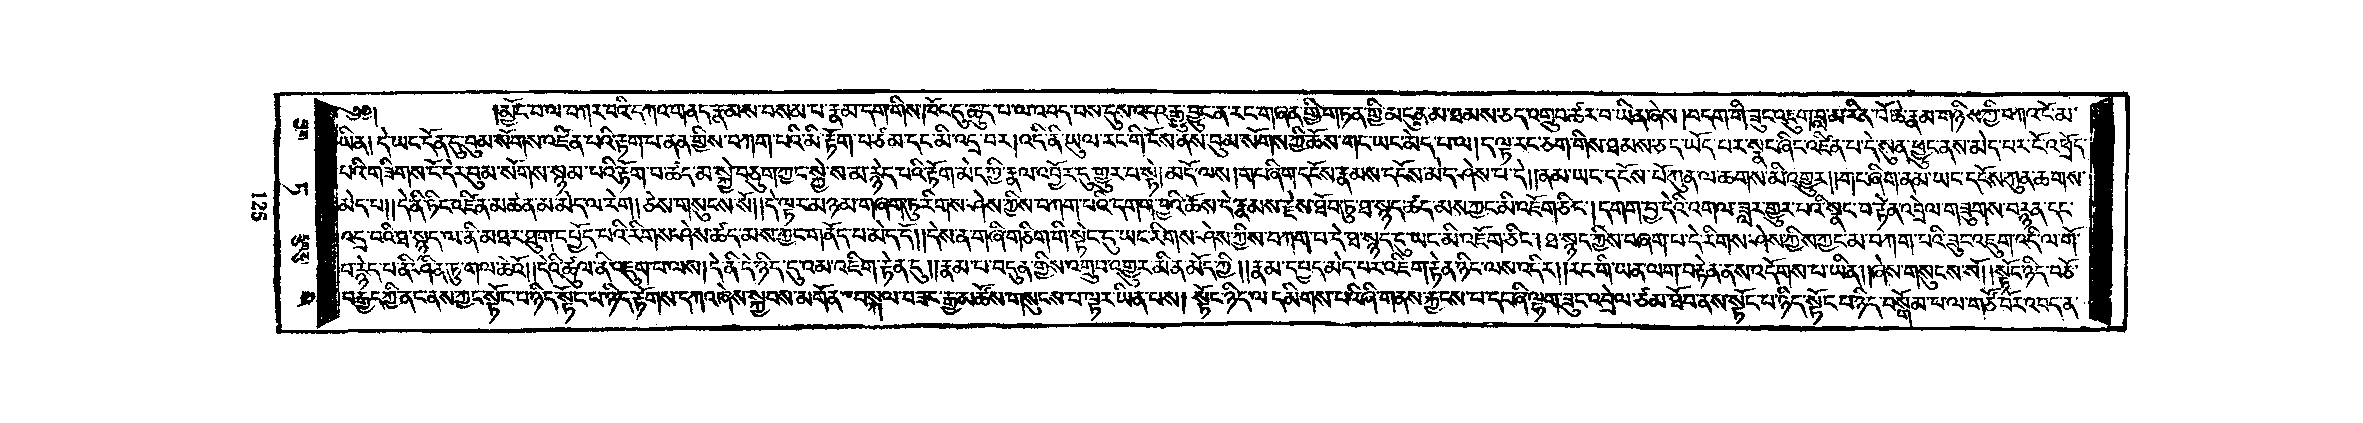༄༅། །མྱོང་བ་ལ་བཀར་བའི་དཀའ་གནད་རྣམས་བསམ་པ་རྣམ་དག་གིས་ཁོང་དུ་ཆུད་པ་ལ་འབད་པས་དུས་འདའ་རྒྱུ་བྱུང་ན་རང་གཞན་གྱི་གཏན་གྱི་མདུན་མ་ཐམས་ཅད་འགྲུབ་ཚར་བ་ཡིན་ཞེས། བདག་གི་ཟུང་འཇུག་བླ་མ་རིན་པོ་ཆེ་རྣམ་གཉིས་ཀྱི་བཀའ་ངོ་མ་
ཡིན། དེ་ཡང་དོན་དུ་བུམ་སོགས་འཛིན་པའི་རྟག་པ་ནན་གྱིས་བཀག་པའི་མི་རྟོག་པ་ཙམ་དང་མི་འདྲ་བར། འདི་ནི་ཡུལ་རང་གི་ངོས་ནས་བུམ་སོགས་ཀྱི་ཆོས་གང་ཡང་མེད་པ་ལ། ད་ལྟ་རང་ཅག་གིས་ཐམས་ཅད་ཡོད་པར་སྣང་ཞིང་འཛིན་པ་དེ་སུན་ཕྱུང་ནས་མེད་པར་ངོ་འཕྲོད་
པའི་གཟིགས་ངོ་དེར་བུམ་སོགས་སྙམ་པའི་རྟོག་པ་ཚད་མ་སྐྱེ་བཅུག་ཀྱང་སྐྱེ་ས་མ་རྙེད་པའི་རྟོག་མེད་ཀྱི་རྣལ་འབྱོར་དུ་གྱུར་པ་སྟེ། མདོ་ལས། གང་ཞིག་དངོས་རྣམས་དངོས་མེད་ཤེས་པ་དེ། །ནམ་ཡང་དངོས་པོ་ཀུན་ལ་ཆགས་མི་འགྱུར། །གང་ཞིག་ནམ་ཡང་དངོས་ཀུན་ཆགས་
མེད་པ། །དེ་ནི་ཏིང་འཛིན་མཚན་མ་མེད་ལ་རེག །ཅེས་གསུངས་སོ། །དེ་ལྟར་མཉམ་གཞག་ཏུ་རིགས་ཤེས་ཀྱིས་བཀག་པའི་དགག་བྱའི་ཆོས་དེ་རྣམས་རྗེས་ཐོབ་ཏུ་ཐ་སྙད་ཚད་མས་ཀྱང་མི་འཇོག་ཅིང་། དགག་བྱ་དེའི་འགལ་ཟླར་གྱུར་བའི་སྣང་བ་རྟེན་འབྲེལ་གཟུགས་བརྙན་དང་
འདྲ་བའི་ཐ་སྙད་ལ་ནི་མཐར་ཐུག་དཔྱོད་པའི་རིགས་ཤེས་ཚད་མས་ཀྱང་གནོད་པ་མེད་དོ། །དེས་ན་གཞི་གཅིག་གི་སྟེང་དུ་ཡང་རིགས་ཤེས་ཀྱིས་བཀག་པ་དེ་ཐ་སྙད་དུ་ཡང་མི་འཇོག་ཅིང་། ཐ་སྙད་ཀྱིས་བཞག་པ་དེ་རིགས་ཤེས་ཀྱིས་ཀྱང་མ་བཀག་པའི་ཟུང་འཇུག་འདི་ལ་གོ་
བ་རྙེད་པ་ནི་ཤིན་ཏུ་གལ་ཆེའོ། །དེའི་ཚུལ་ནི་འཇུག་པ་ལས། དེ་ནི་དེ་ཉིད་དུ་འམ་འཇིག་རྟེན་དུ། །རྣམ་པ་བདུན་གྱིས་འགྲུབ་འགྱུར་མིན་མོད་ཀྱི། །རྣམ་དཔྱད་མེད་པར་འཇིག་རྟེན་ཉིད་ལས་འདིར། །རང་གི་ཡན་ལག་བརྟེན་ནས་འདོགས་པ་ཡིན། །ཞེས་གསུངས་སོ། །སྟོང་ཉིད་བཅོ་
བརྒྱད་ཀྱི་ནང་ནས་ཀྱང་སྟོང་པ་ཉིད་སྟོང་པ་ཉིད་རྟོགས་དཀའ་ཞེས་སྐྱབས་མགོན་བསྐལ་བཟང་རྒྱ་མཚོས་གསུངས་པ་ལྟར་ཡིན་པས། སྟོང་ཉིད་ལ་དམིགས་པའི་ཞི་གནས་རྐྱངས་པ་དང་ཞི་ལྷག་ཟུང་འབྲེལ་ཙམ་ཐོབ་ནས་སྟོང་པ་ཉིད་སྟོང་པ་ཉིད་བསྒོམ་པ་ལ་གཙོ་བོར་འབད་ན་